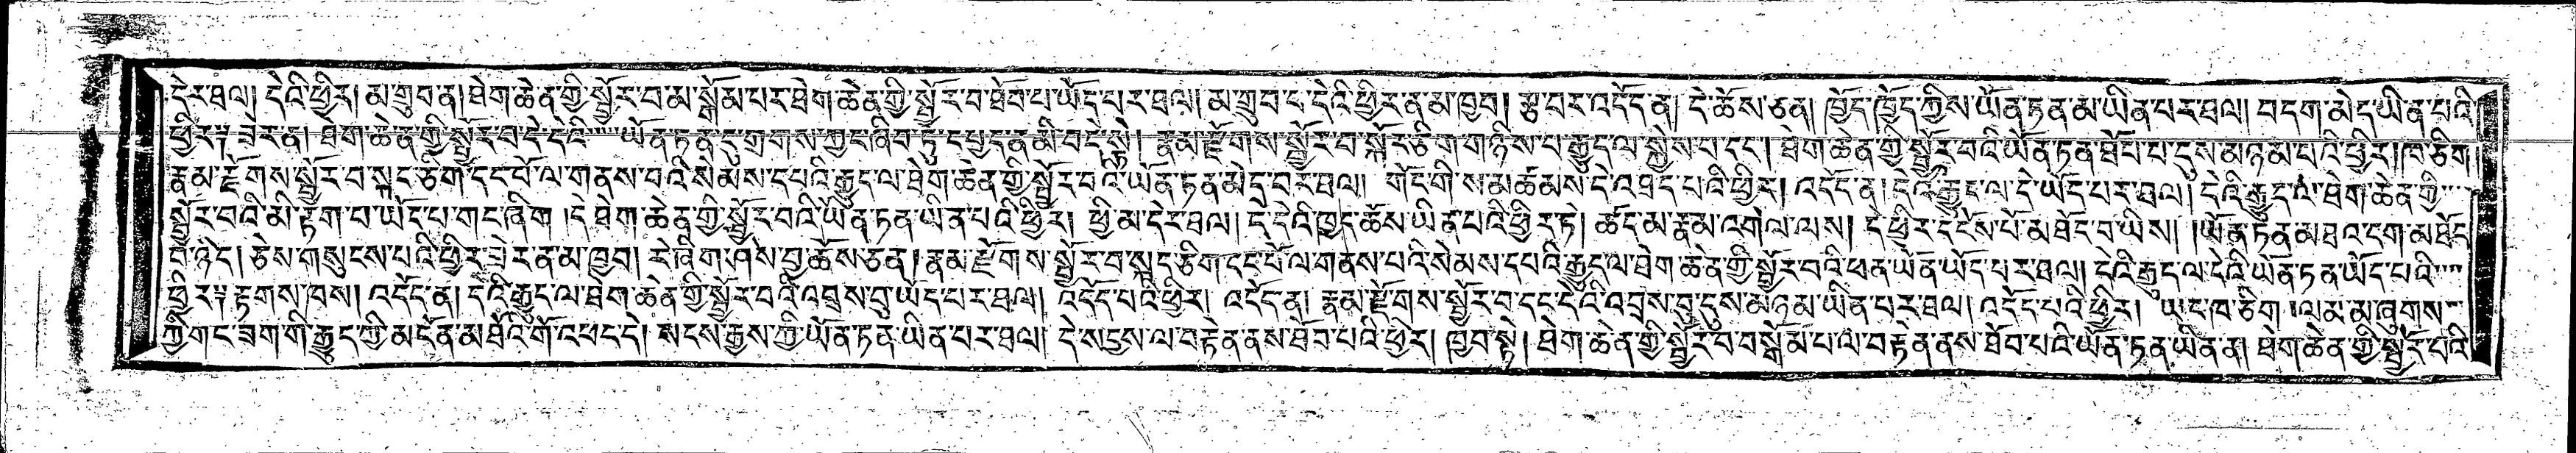དེར་ཐལ། དེའི་ཕྱིར། མ་གྲུབ་ན། ཐེག་ཆེན་གྱི་སྦྱོར་བ་མ་སྒོམ་པར་ཐེག་ཆེན་གྱི་སྦྱོར་བ་ཐོབ་པ་ཡོད་པར་ཐལ། མ་གྲུབ་པ་དེའི་ཕྱིར་ན་མ་ཁྱབ། རྩ་བར་འདོད་ན། དེ་ཆོས་ཅན། ཁྱོད་ཁྱོད་ཀྱིས་ཡོན་ཏན་མ་ཡིན་པར་ཐལ། བདག་མེད་ཡིན་པའི་
ཕྱིར༑ ཟེར་ན། ཐེག་ཆེན་གྱི་སྦྱོར་བ་དེ་དེའི་ཡོན་ཏན་དུ་གྲགས་ཀྱང་ཞིབ་ཏུ་དཔྱད་ན་མི་བདེ་སྟེ། རྣམ་རྫོགས་སྦྱོར་བ་སྐོར་ཅིག་གཉིས་པ་རྒྱུད་ལ་སྐྱེས་པ་དང་། ཐེག་ཆེན་གྱི་སྦྱོར་བའི་ཡོན་ཏན་ཐོབ་པ་དུས་མཉམ་པའི་ཕྱིར། ཁ་ཅིག་
རྣམ་རྫོགས་སྦྱོར་བ་སྐད་ཅིག་དང་པོ་ལ་གནས་པའི་སེམས་དཔའི་རྒྱུད་ལ་ཐེག་ཆེན་གྱི་སྦྱོར་བའི་ཡོན་ཏན་མེད་པར་ཐལ། གོང་གི་ས་མཚམས་དེ་འཐད་པའི་ཕྱིར། འདོད་ན། དེའི་རྒྱུད་ལ་དེ་ཡོད་པར་ཐལ། དེའི་རྒྱུད་ལ་ཐེག་ཆེན་གྱི་
སྦྱོར་བའི་མི་རྟོག་པ་ཡོད་པ་གང་ཞིག །དེ་ཐེག་ཆེན་གྱི་སྦྱོར་བའི་ཡོན་ཏན་ཡིན་པའི་ཕྱིར། ཕྱི་མ་དེར་ཐལ། དེ་དེའི་ཁྱད་ཆོས་ཡིན་པའི་ཕྱིར་ཏེ། ཚད་མ་རྣམ་འགྲེལ་ལས། དེ་ཕྱིར་དངོས་པོ་མཐོང་བ་ཡིས། །ཡོན་ཏན་མཐའ་དག་མཐོང་
བ་ཉིད། ཅེས་གསུངས་པའི་ཕྱིར་ཟེར་ན་མ་ཁྱབ། རེ་ཞིག་ཤེས་བྱ་ཆོས་ཅན། རྣམ་རྫོགས་སྦྱོར་བ་སྐད་ཅིག་དང་པོ་ལ་གནས་པའི་སེམས་དཔའི་རྒྱུད་ལ་ཐེག་ཆེན་གྱི་སྦྱོར་བའི་ཕན་ཡོན་ཡོད་པར་ཐལ། དེའི་རྒྱུད་ལ་དེའི་ཡོན་ཏན་ཡོད་པའི་
ཕྱིར༑ རྟགས་ཁས། འདོད་ན། དེའི་རྒྱུད་ལ་ཐེག་ཆེན་གྱི་སྦྱོར་བའི་འབྲས་བུ་ཡོད་པར་ཐལ། འདོད་པའི་ཕྱིར། འདོད་ན། རྣམ་རྫོགས་སྦྱོར་བ་དང་དེའི་འབྲས་བུ་དུས་མཉམ་ཡིན་པར་ཐལ། འདོད་པའི་ཕྱིར། ཡང་ཁ་ཅིག། ལམ་མ་ཞུགས་
ཀྱི་གང་ཟག་གི་རྒྱུད་ཀྱི་མངོན་མཐོའི་གོ་འཕང་དེ། སངས་རྒྱས་ཀྱི་ཡོན་ཏན་ཡིན་པར་ཐལ། དེ་སངས་རྒྱས་ལ་བརྟེན་ནས་ཐོབ་པའི་ཕྱིར། ཁྱབ་སྟེ། ཐེག་ཆེན་གྱི་སྦྱོར་བ་བསྒོམ་པ་ལ་བརྟེན་ནས་ཐོབ་པའི་ཡོན་ཏན་ཡིན་ན། ཐེག་ཆེན་གྱི་སྦྱོར་བའི་